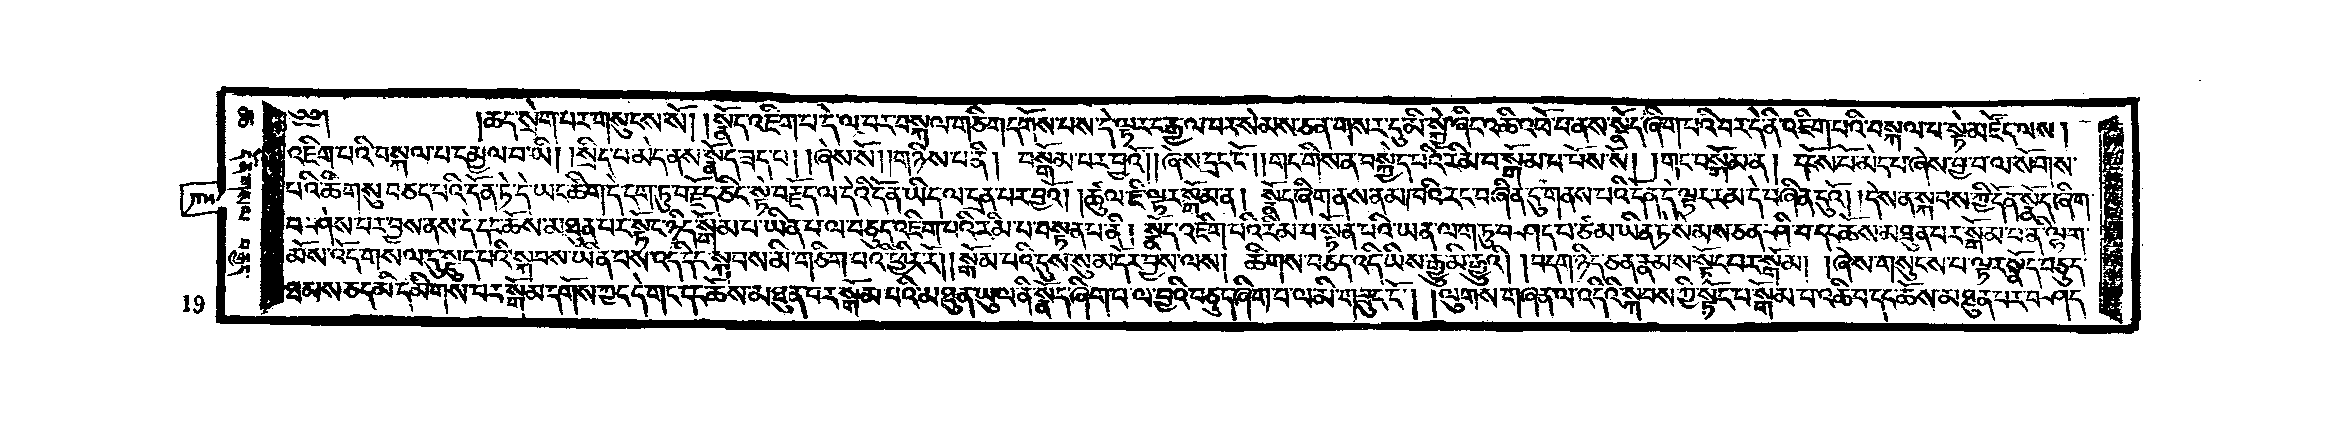༄༅། །ཆད་སྲེག་པར་གསུངས་སོ། །སྣོད་འཇིག་པ་དེ་ལ་བར་བསྐལ་གཅིག་དགོས་པས་དེ་ལྟར་དམྱལ་བར་སེམས་ཅན་གསར་དུ་མི་སྐྱེ་ཞིང་འཆི་འཕོ་བ་ནས་སྣོད་ཞིག་པའི་བར་དེ་ནི་འཇིག་པའི་བསྐལ་པ་སྟེ་མཛོད་ལས།
འཇིག་པའི་བསྐལ་པ་དམྱལ་བ་ཡི། །སྲིད་པ་མེད་ནས་སྣོད་ཟད་པ། །ཞེས་སོ། །གཉིས་པ་ནི། བསྒོམ་པར་བྱའོ། །ཞེས་དྲང་ངོ། །གང་གིས་ན་བསྐྱེད་པའི་རིམ་པ་སྒོམ་པ་པོས་སོ། །གང་བསྒོམ་ན། དངོས་པོ་མེད་པ་ཞེས་བྱ་བ་ལ་སོགས་
པའི་ཚིགས་སུ་བཅད་པའི་དོན་ཏེ་དེ་ཡང་ཚིག་དེ་དག་ཏུ་བརྗོད་ཅིང་སྟེ་བརྗོད་ལ་དེའི་དོན་ཡིད་ལ་དྲན་པར་བྱའོ། །ཚུལ་ཇི་ལྟར་སྒོམ་ན། སྣོད་ཞིག་ནས་ནམ་མཁའི་རང་བཞིན་དུ་གནས་པའི་དོན་དེ་ལྟར་རམ་དེ་བཞིན་དུའོ། །དེས་ན་སྐབས་ཀྱི་དོན་སྣོད་ཞི་
པ་ཤེས་པར་བྱས་ནས་དེ་དང་ཆོས་མཐུན་པར་སྟོང་ཉིད་སྒོམ་པ་ཡིན་པ་ལ་བཅུད་འཇིག་པའི་རིམ་པ་བསྟན་པ་ནི། སྣོད་འཇིག་པའི་རིམ་པ་སྟོན་པའི་ཡན་ལག་ཏུ་བཤད་པ་ཙམ་ཡིན་ཏེ་སེམས་ཅན་ཤི་བ་དང་ཆོས་མཐུན་པར་སྒོམ་པ་ནི་ལྷག་
མོས་འོད་གསལ་དུ་སྡུད་པའི་སྐབས་ཡིན་པས་འདི་དང་སྐབས་མི་གཅིག་པའི་ཕྱིར་རོ། །སྒོམ་པའི་དུས་སུ་མདོར་བྱས་ལས། ཚིགས་བཅད་འདི་ཡིས་རྒྱུ་མི་རྒྱུའི། །བདག་ཉིད་ཅན་རྣམས་སྟོང་པར་སྒོམ། །ཞེས་གསུངས་པ་ལྟར་སྣོད་བཅུད་
ཐམས་ཅད་མི་དམིགས་པར་སྒོམ་དགོས་ཀྱང་དེ་གང་དང་ཆོས་མཐུན་པར་སྒོམ་པའི་མཐུན་ཡུལ་ནི་སྣོད་ཞིག་པ་ལ་བྱའི་བཅུད་ཞིག་པ་ལ་མི་གཟུང་ངོ། །ལུགས་གཞན་ལ་འདིའི་སྐབས་ཀྱི་སྟོང་པ་སྒོམ་པ་འཆི་བ་དང་ཆོས་མཐུན་པར་བཤད་